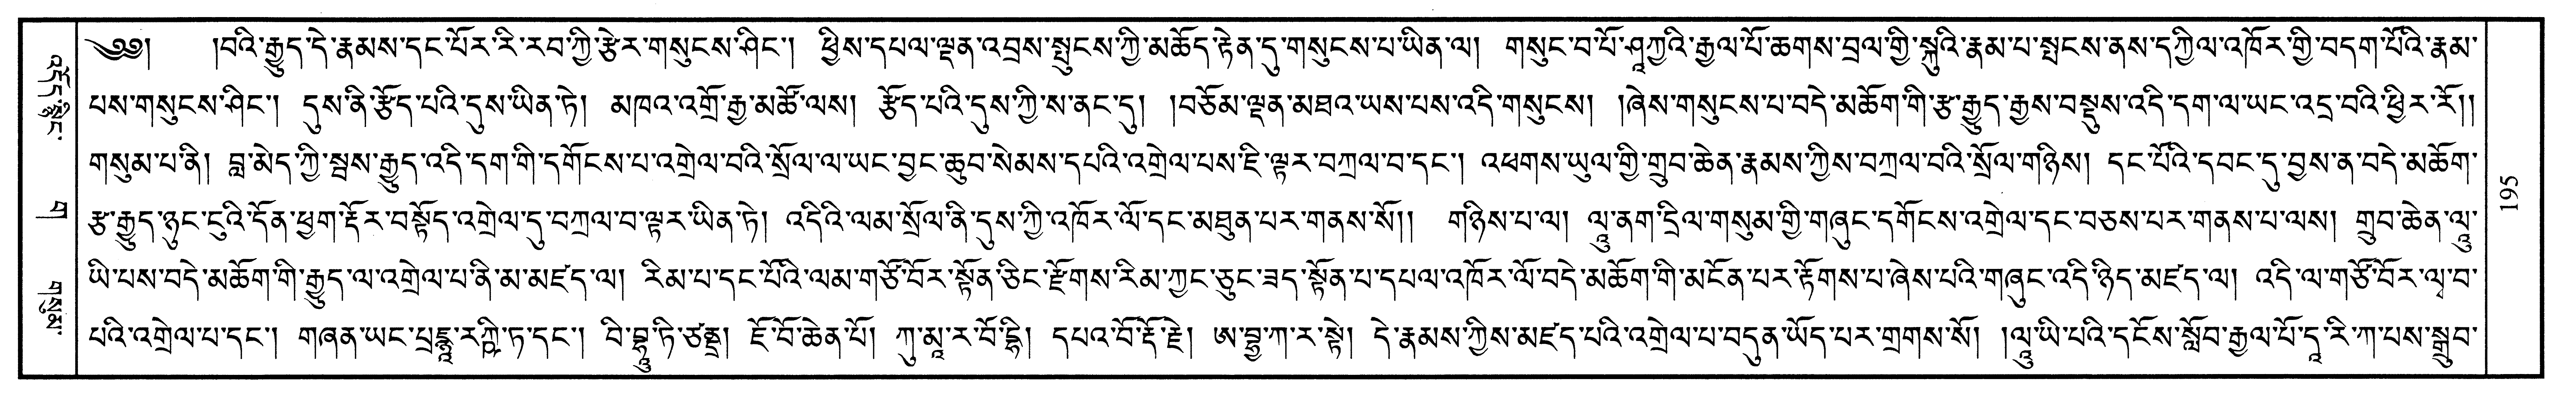༄༅། །བའི་རྒྱུད་དེ་རྣམས་དང་པོར་རི་རབ་ཀྱི་རྩེར་གསུངས་ཤིང་། ཕྱིས་དཔལ་ལྡན་འབྲས་སྤུངས་ཀྱི་མཆོད་རྟེན་དུ་གསུངས་པ་ཡིན་ལ། གསུང་བ་པོ་ཤཱཀྱའི་རྒྱལ་པོ་ཆགས་བྲལ་གྱི་སྐུའི་རྣམ་པ་སྤངས་ནས་དཀྱིལ་འཁོར་གྱི་བདག་པོའི་རྣམ་
པས་གསུངས་ཤིང་། དུས་ནི་རྩོད་པའི་དུས་ཡིན་ཏེ། མཁའ་འགྲོ་རྒྱ་མཚོ་ལས། རྩོད་པའི་དུས་ཀྱི་ས་ནང་དུ། །བཅོམ་ལྡན་མཐའ་ཡས་པས་འདི་གསུངས། །ཞེས་གསུངས་པ་བདེ་མཆོག་གི་རྩ་རྒྱུད་རྒྱས་བསྡུས་འདི་དག་ལ་ཡང་འདྲ་བའི་ཕྱིར་རོ།།
གསུམ་པ་ནི། བླ་མེད་ཀྱི་སྦས་རྒྱུད་འདི་དག་གི་དགོངས་པ་འགྲེལ་བའི་སྲོལ་ལ་ཡང་བྱང་ཆུབ་སེམས་དཔའི་འགྲེལ་པས་ཇི་ལྟར་བཀྲལ་བ་དང་། འཕགས་ཡུལ་གྱི་གྲུབ་ཆེན་རྣམས་ཀྱིས་བཀྲལ་བའི་སྲོལ་གཉིས། དང་པོའི་དབང་དུ་བྱས་ན་བདེ་མཆོག་
རྩ་རྒྱུད་ཉུང་ངུའི་དོན་ཕྱག་རྡོར་བསྟོད་འགྲེལ་དུ་བཀྲལ་བ་ལྟར་ཡིན་ཏེ། འདིའི་ལམ་སྲོལ་ནི་དུས་ཀྱི་འཁོར་ལོ་དང་མཐུན་པར་གནས་སོ།། གཉིས་པ་ལ། ལཱུ་ནག་དྲིལ་གསུམ་གྱི་གཞུང་དགོངས་འགྲེལ་དང་བཅས་པར་གནས་པ་ལས། གྲུབ་ཆེན་ལཱུ་
ཡི་པས་བདེ་མཆོག་གི་རྒྱུད་ལ་འགྲེལ་པ་ནི་མ་མཛད་ལ། རིམ་པ་དང་པོའི་ལམ་གཙོ་བོར་སྟོན་ཅིང་རྫོགས་རིམ་ཀྱང་ཅུང་ཟད་སྟོན་པ་དཔལ་འཁོར་ལོ་བདེ་མཆོག་གི་མངོན་པར་རྟོགས་པ་ཞེས་པའི་གཞུང་འདི་ཉིད་མཛད་ལ། འདི་ལ་གཙོ་བོར་ལྭ་བ་
པའི་འགྲེལ་པ་དང་། གཞན་ཡང་པྲཛྙཱ་རཀྵི་ཏ་དང་། བི་བྷཱུ་ཏི་ཙནྡྲ། ཇོ་བོ་ཆེན་པོ། ཀུ་མཱ་ར་བོ་དྷི། དཔའ་བོ་རྡོ་རྗེ། ཨ་བྷྱ་ཀ་ར་སྟེ། དེ་རྣམས་ཀྱིས་མཛད་པའི་འགྲེལ་པ་བདུན་ཡོད་པར་གྲགས་སོ། །ལཱུ་ཡི་པའི་དངོས་སློབ་རྒྱལ་པོ་དཱ་རི་ཀ་པས་སྒྲུབ་